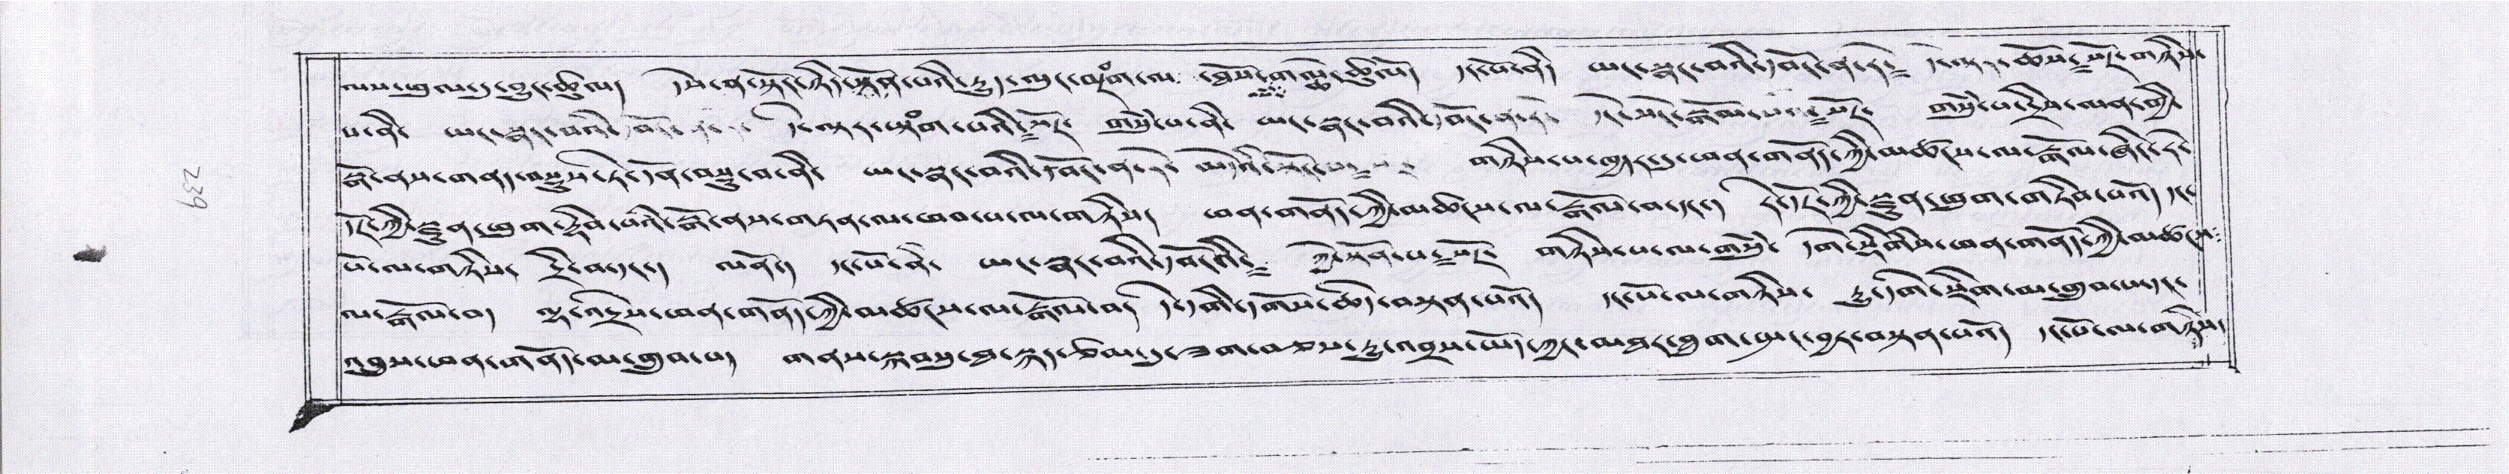ལས་ཕུལ་དུ་བྱུང་ཚུལ། དེས་ན་སྟོང་ཉིད་སྟོན་པའི་རྒྱུད་ལུང་མན་ངག་ལ། ཐོས་བསམ་གལ་ཆེ་ཚུལ་ལོ། དང་པོ་ནི། ཡང་སྣང་བའི་དབང་པོ་ན་རེ་་་་། དེ་ལྟར་ཆོས་་་སོགས་གཉིས་
པ་ནི། ཡང་སྣང་བའི་དབང་པོ་ན་རེ། དེ་ལྟར་༼༽པའི་་་སོགས། གསུམ་པ་ནི། ཡང་སྣང་བའི་དབང་པོ་ན་རེ། དེང་སེང་སྒོམ་པ་ལ་་་་སོགས། གསུམ་པ་དྲིས་ལན་གྱི་
སྒོ་ནས་གནད་བསྡུས་རེ་དོན་བསྡུ་བ་ནི། ཡང་སྣང་བའི་དབང་པོ་ན་རེ། མདེའི་སོང་བ་་་སོགས། གཉིས་པ་ཁྱད་པར་དུ་ཕན་གནོད་ཀྱི་མཚངས་ལ་རྒོལ་ཞིང་རེ་
དོགས་ཀྱི་རྫུན་ཕུག་རྡིབ་པའི་སྒོ་ནས་གཏན་ལ་ཕབ་པ་ལ་གཉིས། ཕན་གནོད་ཀྱི་མཚངས་ལ་རྒོལ་བ་དང། རེ་དོགས་ཀྱི་རྫུན་ཕུག་གཏིབ་པའོ། དང་
པོ་ལ་གཉིས། དྲི་མ་དང་། ལན་ནོ། དང་པོ་ནི། ཡང་སྣང་བའི་དབང་པོའི་་་་། ཀྱེ་སྟོན་པ་་་་སོགས། གཉིས་པ་ལ་གསུམ། དགེ་སྡིག་གིས་ཕན་གནོད་ཀྱི་མཚངས་
ལ་རྒོལ་བ། ལྷ་འདྲེས་ཕན་གནོད་ཀྱི་མཚངས་ལ་རྒོལ་བ། དེ་དག་གི་དགོས་ཆེད་བསྟན་པའོ། དང་པོ་ལ་གཉིས། རྒྱུ་དགེ་སྡིག་མ་གྲུབ་པ་དང། 
འབྲས་བུ་ཕན་གནོད་མ་གྲུབ་པ། གནས་སྐབས་སུ་ཐ་སྙད་ཙམ་དུ་ཟག་བཅས་རྒྱུ་འབྲས་ཡོད་ཀྱང་མཐར་ཐུག་སྤང་བྱར་བསྟན་པའོ། དང་པོ་ལ་གཉིས།